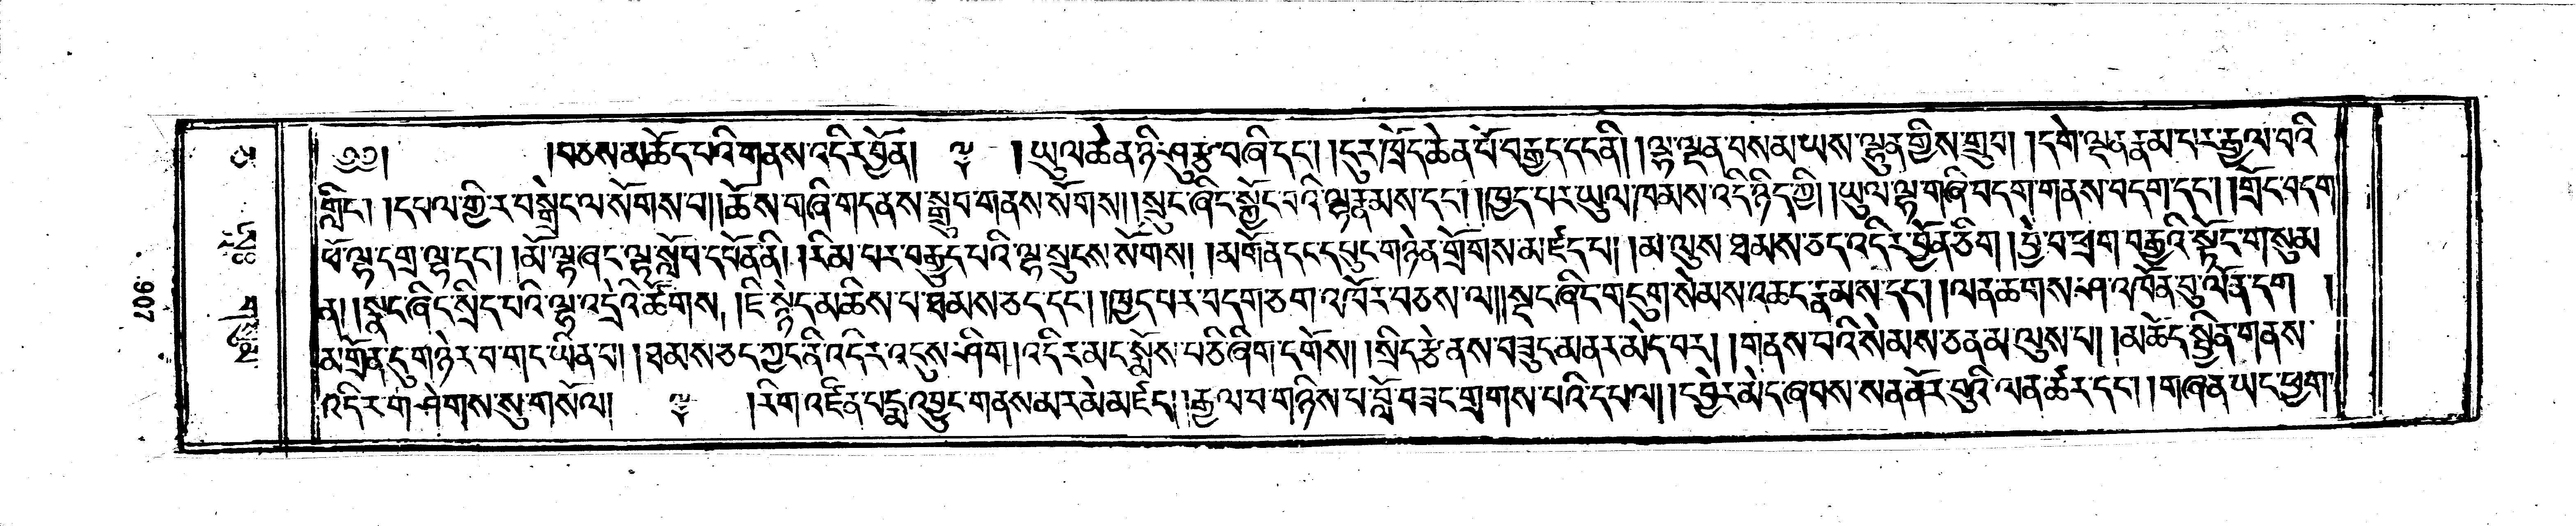༄༅། །བཅས་མཆོད་པའི་གནས་འདིར་བྱོན། ༈ །ཡུལ་ཆེན་ཉི་ཤུ་རྩ་བཞི་དང་། །དུར་ཁྲོད་ཆེན་པོ་བརྒྱད་དང་ནི། །ལྷ་ལྡན་བསམ་ཡས་ལྷུན་གྱིས་གྲུབ། །དགེ་ལྡན་རྣམ་པར་རྒྱལ་བའི་
གླིང་། །དཔལ་གྱི་ར་བསྒྲེང་ལ་སོགས་པ། །ཆོས་གཞི་གདན་ས་སྒྲུབ་གནས་སོགས། །སྲུང་ཞིང་སྐྱོང་བའི་ལྷ་རྣམས་དང་། ཁྱད་པར་ཡུལ་ཁམས་འདི་ཉིད་ཀྱི། །ཡུལ་ལྷ་གཞི་བདག་གནས་བདག་དང་། །གྲོང་བདག་
ཕོ་ལྷ་དགྲ་ལྷ་དང་། །མོ་ལྷ་ཞང་ལྷ་སློབ་དཔོན་ནི། །རིམ་པར་བརྒྱུད་པའི་ལྷ་སྲུངས་སོགས། །མགོན་དང་དཔུང་གཉེན་གྲོགས་མཛད་པ། །མ་ལུས་ཐམས་ཅད་འདིར་བྱོན་ཅིག །བྱེ་བ་ཕྲག་བརྒྱའི་སྟོང་གསུམ་
ན། །སྣང་ཞིང་སྲིད་པའི་ལྷ་འདྲེའི་ཚོགས། །ཇི་སྙེད་མཆིས་པ་ཐམས་ཅད་དང་། །ཁྱད་པར་བདག་ཅག་འཁོར་བཅས་ལ། །སྡང་ཞིང་གདུག་སེམས་འཆང་རྣམས་དང་། །ལན་ཆགས་ཤ་འཁོན་བུ་ལོན་དག །
མགྲོན་དུ་གཉེར་བ་གང་ཡིན་པ། །ཐམས་ཅད་ཀྱང་ནི་འདིར་འདུས་ཤིག །འདིར་མང་སྨོས་པ་ཅི་ཞིག་དགོས། །སྲིད་རྩེ་ནས་བཟུང་མནར་མེད་བར། །གནས་པའི་སེམས་ཅན་མ་ལུས་པ། །མཆོད་སྦྱིན་གནས་
འདིར་གཤེགས་སུ་གསོལ། ༈ །རིག་འཛིན་པདམ་འབྱུང་གནས་མར་མེ་མཛད། །རྒྱལ་བ་གཉིས་པ་བློ་བཟང་གྲགས་པའི་དཔལ། །དབྱེར་མེད་ཞབས་སེན་ནོར་བུའི་ལན་ཚར་དང་། །གཞན་ཡང་ཕྱག་